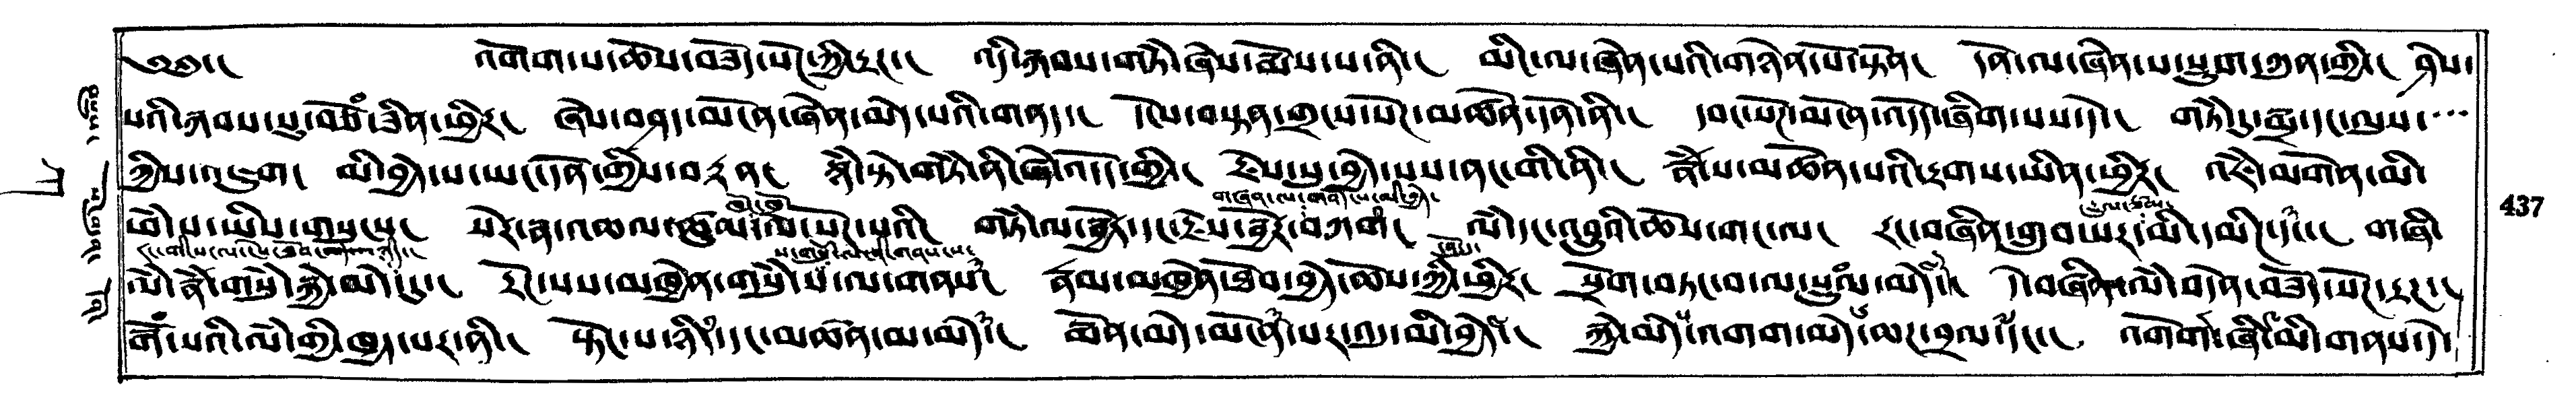འགོག་པ་ཆོས་བཟོད་སོགས་ཀྱི་རྟགས། །འདི་སྐབས་གཏམ་ཞེས་སྨོས་པ་ནི། །མིང་ལ་ཞེན་པའི་གཉེན་པོ་སྟོན། །དོན་ལ་ཞེན་པ་སྡུག་ཀུན་ཀྱི། །ཤེས་
པའི་སྐབས་སུ་བཅོམ་ཟིན་ཕྱིར། །ཞེས་བཤད་མངོན་ཞེན་མེད་པའི་གནད། །དངོས་བསྟན་གྲངས་སོགས་མཚོན་དོན་ནི། །དབང་སོགས་མངོན་འདོད་ཞིག་པས་དེ། །གཏམ་དུ་སྨྲ་དང་ལུས་
ཀྱིས་འཇུག །མི་བྱེད་པ་ཡང་དོན་གྱིས་བརྟན། །སྙམ་སྟེ་གཏམ་ནི་ཞེ་འདོད་གྱི། །རྗེས་སུ་བྱེད་པས་ནང་གི་ནི། །རྣམ་པ་མཚོན་པའི་རྟགས་ཡིན་ཕྱིར། །འཇམ་མགོན་མི་
ཕམ་པ་ཡིས་གསུངས། །སེར་སྣ་འཆལ་ཚུལ་ཁོང་ཁྲོ་ལ་སོགས་པའི། །གཏམ་ལ་སྦྱོར་དང་རྗེས་སྦྱོར་གཞན་ལ་གནོད་པ་མི་བྱེད། བཀག །ལམ་དང་འབྲས་བུའི་ཆོས་གང་ལ། །རང་བཞིན་གྲུབ་པར་རྡུལ་ཙམ་མི་དམིགས་དང་། །གཞི་
ལམ་རྣམ་གསུམ་སྐྱེ་མེད་རང་གི་ས་ལ་ངེས་ཐོབ་མེད་པ་ཉིད་དུ། །རྟོགས་པས་མཁྱེན་གསུམ་ས་གསུམ་ལ་ནི་གནས་པ་ལ་གནས། །རྣམ་མཁྱེན་འཐོབ་བྱེད་ཆོས་ཀྱི་དོན་དུ་ཕྱིར། །སྲོག་བཏང་བ་ལ་སྡུག་བསྔལ་མེད། །དེ་བཞིན་ལམ་བདེན་བཟོད་སོགས་རྟགས། །
སྒོམ་པའི་ལམ་གྱི་ཁྱད་པར་ནི། །སྟོང་པ་ཉིད་དང་མཚན་མ་མེད། །སྨོན་མེད་མངོན་པར་འདུ་མི་བྱེད། །སྐྱེ་མེད་འགགས་མེད་ཆགས་བྲལ་དང་། །འགོག་ཞི་མི་གནས་དེ་